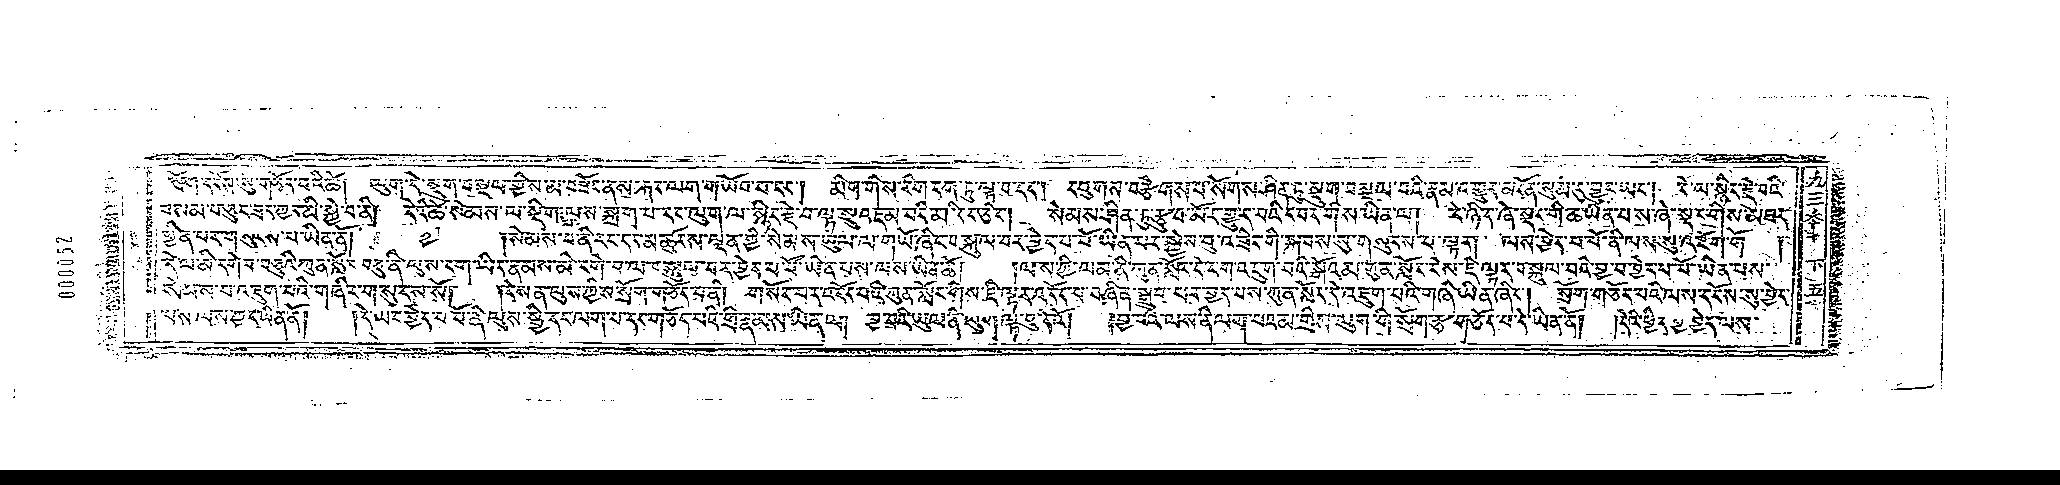སྲོག་དངོས་སུ་གཅོད་པའི་ཆེ། ལུག་དེ་སྡུག་བསྔལ་གྱིས་མ་བཟོད་ནས་རྐང་ལག་གཡོབ་པ་དང་། མིག་གིས་རིག་རིག་ཏུ་ལྟ་བ་དང་། དབུགས་བརྩེགས་པ་སོགས་ཤིན་ཏུ་སྡུག་བསྔལ་བའི་རྣམ་འགྱུར་མངོན་སུམ་དུ་བྱུང་ཡང་། དེ་ལ་སྙིང་རྗེ་བའི་
བསམ་པ་ཅུང་ཟད་ཀྱང་མི་སྐྱེ་བ་ནི། དེའི་ཚེ་སེམས་ལ་སྡིག་པ་ལས་སྐྲག་པ་དང་ལུག་ལ་སྙིང་རྗེ་བ་ལྟ་བུ་འཇམ་བའི་ཆ་མེད་ཅིང་། སེམས་ཤིན་ཏུ་རྩུབ་མོར་གྱུར་བའི་དབང་གིས་ཡིན་ལ། དེ་ཉིད་ཞེ་སྡང་གི་ཆ་ཡིན་པས་ཞེ་སྡང་གིས་མཐར་
ཕྱིན་བར་གསུངས་པ་ཡིན་ནོ། ༧་།སེམས་པ་ནི་རང་དང་མཚུངས་ལྡན་གྱི་སེམས་ཡུལ་ལ་གཡོ་ཞིང་བསྐུལ་བར་བྱེད་པ་པོ་ཡིན་པར་སྐྱེས་བུ་འབྲིང་གི་སྐབས་སུ་གསུངས་པ་ལྟར། ལས་བྱེད་པ་པོ་ནི་ལས་སུ་འཇོག་གོ །
དེ་ལ་མི་དགེ་བ་བཅུའི་ཀུན་སློང་བཅུ་ནི་ལུས་དག་ཡིད་རྣམས་མི་དགེ་བ་ལ་བསྐུལ་བར་བྱེད་བ་པོ་ཡིན་བས་ལས་ཡིན་ནོ། །ལས་ཀྱི་ལར་ནི་ཀུན་སློང་དེ་དག་འཇུག་པའི་སྒོའི་མ་ཀུན་སློང་དེས་ཇི་ལྟར་བསྐུལ་བའི་བྱ་བ་བྱེད་བ་པོ་ཡིན་པས་
སེམས་པ་འཇུག་བའི་གཞིར་གསུངས་སོ། །དེས་ན་ལུགས་ཀྱིས་སྲོག་གཅོད་པ་ནི། གསོད་པར་འདོད་པའི་ཀུན་སློང་གིས་ཇི་ལྟར་འདོད་པ་བཞིན་སྒྲུབ་པར་བྱེད་པས་ཀུན་སློང་དེ་འཇུག་པའི་གཞི་ཡིན་ཞིང་། སྲོག་གཅོད་པའི་ལས་དངོས་སུ་བྱེད་
པས་ལས་ཀྱང་ཡིན་ནོ། །དེ་ཡང་བྱེད་པ་པོ་ནི་ལུས་སྤྱི་དང་ལག་པ་དང་གཅོད་བའི་གྲི་རྣམས་ཡིན་ལ། བྱ་བའི་ཡུལ་ནི་ལུག་ལྟ་བུ་དེའོ། །བྱ་བའི་ལས་ནི་ལག་པའམ་གྲིས་ལུག་གི་སྲོག་རྩ་གཅོད་པ་དེ་ཡིན་ནོ། །དེའི་ཕྱིར་བྱ་བྱེད་ལས་